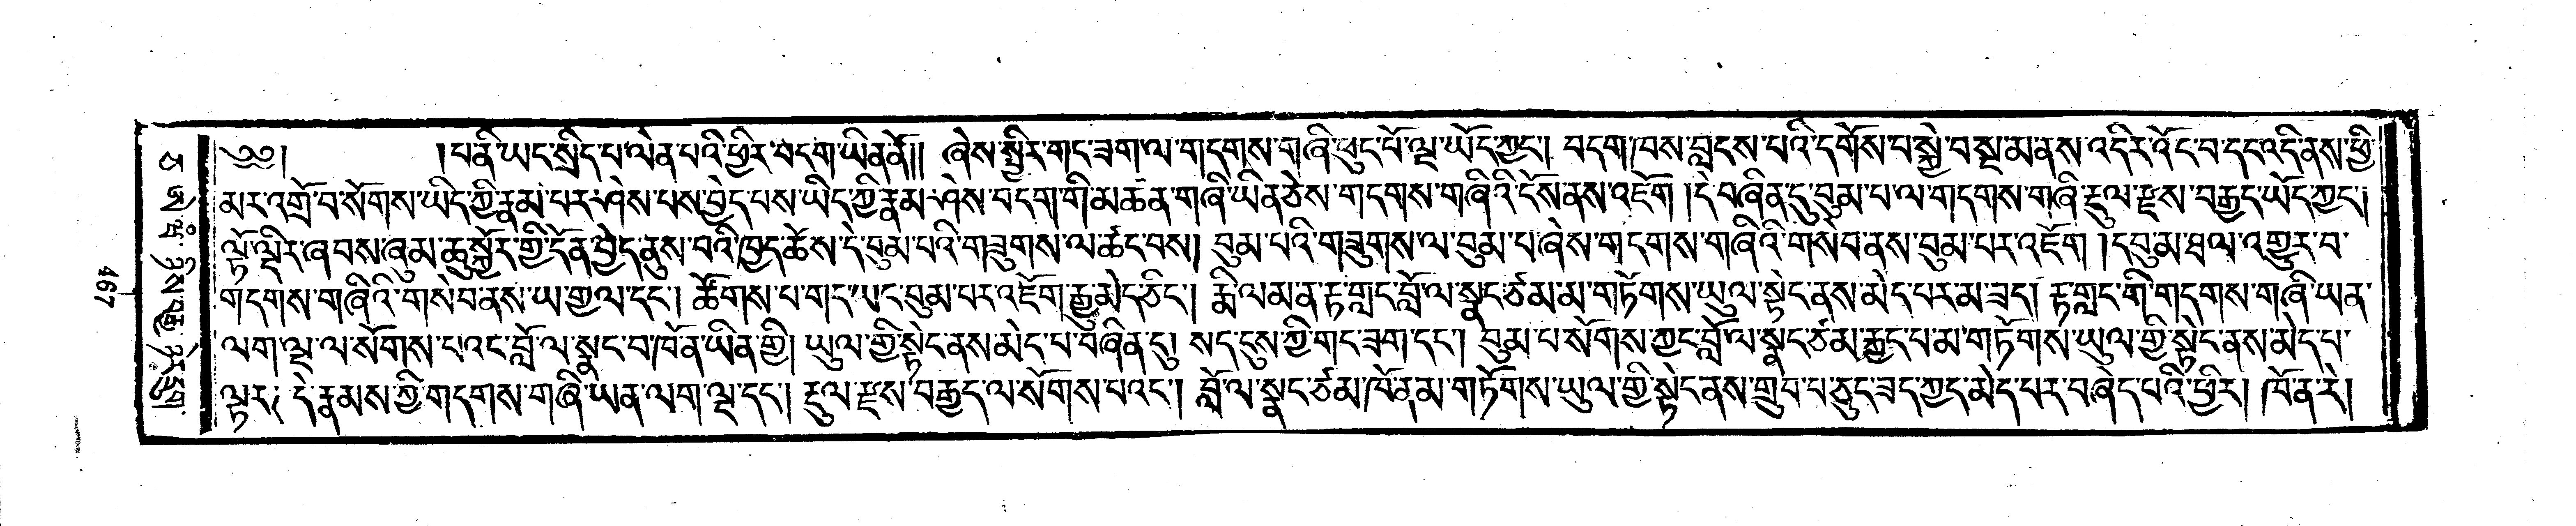༄༅། །པ་ནི་ཡང་སྲིད་པ་ལེན་པའི་ཕྱིར་བདག་ཡིན་ནོ། །ཞེས་སྤྱིར་གང་ཟག་ལ་གདགས་གཞི་ཕུང་པོ་ལྔ་ཡོད་ཀྱང་། བདག་ཁས་བླངས་པའི་དགོས་པ་སྐྱེ་བ་སྔ་མ་ནས་འདིར་འོང་བ་དང་འདི་ནས་ཕྱི་
མར་འགྲོ་བ་སོགས་ཡིད་ཀྱི་རྣམ་པར་ཤེས་པས་བྱེད་པས་ཡིད་ཀྱི་རྣམ་ཤེས་བདག་གི་མཚན་གཞི་ཡིན་ཅེས་གདགས་གཞིའི་ངོས་ནས་འཇོག །དེ་བཞིན་དུ་བུམ་པ་ལ་གདགས་གཞི་རྡུལ་རྫས་བརྒྱད་ཡོད་ཀྱང་།
ལྟོ་ལྡིར་ཞབས་ཞུམ་ཆུ་སྐྱོར་གྱི་དོན་བྱེད་ནུས་པའི་ཁྱད་ཆོས་དེ་བུམ་པའི་གཟུགས་ལ་ཚང་བས། བུམ་པའི་གཟུགས་ལ་བུམ་པ་ཞེས་གདགས་གཞིའི་གསེབ་ནས་བུམ་པར་འཇོག །དབུ་མ་ཐལ་འགྱུར་བ་
གདགས་གཞིའི་གསེབ་ནས་ཡ་གྱལ་དང་། ཚོགས་པ་གང་ཡང་བུམ་པར་འཇོག་རྒྱུ་མེད་ཅིང་། རྨི་ལམ་ན་རྟ་གླང་བློ་ལ་སྣང་ཙམ་མ་གཏོགས་ཡུལ་སྟེང་ནས་མེད་པར་མ་ཟད། རྟ་གླང་གི་གདགས་གཞི་ཡན་
ལག་ལྔ་ལ་སོགས་པའང་བློ་ལ་སྣང་བ་ཁོ་ན་ཡིན་གྱི། ཡུལ་གྱི་སྟེང་ནས་མེད་པ་བཞིན་དུ། སད་དུས་ཀྱི་གང་ཟག་དང་། བུམ་པ་སོགས་ཀྱང་བློ་ལ་སྣང་ཙམ་རྐྱང་པ་མ་གཏོགས་ཡུལ་གྱི་སྟེང་ནས་མེད་པ་
ལྟར། དེ་རྣམས་ཀྱི་གདགས་གཞི་ཡན་ལག་ལྔ་དང་། རྡུལ་རྫས་བརྒྱད་ལ་སོགས་པའང་། བློ་ལ་སྣང་ཙམ་ཁོ་ན་མ་གཏོགས་ཡུལ་གྱི་སྟེང་ནས་གྲུབ་པ་ཅུང་ཟད་ཀྱང་མེད་པར་བཞེད་པའི་ཕྱིར། ཁོ་ན་རེ།